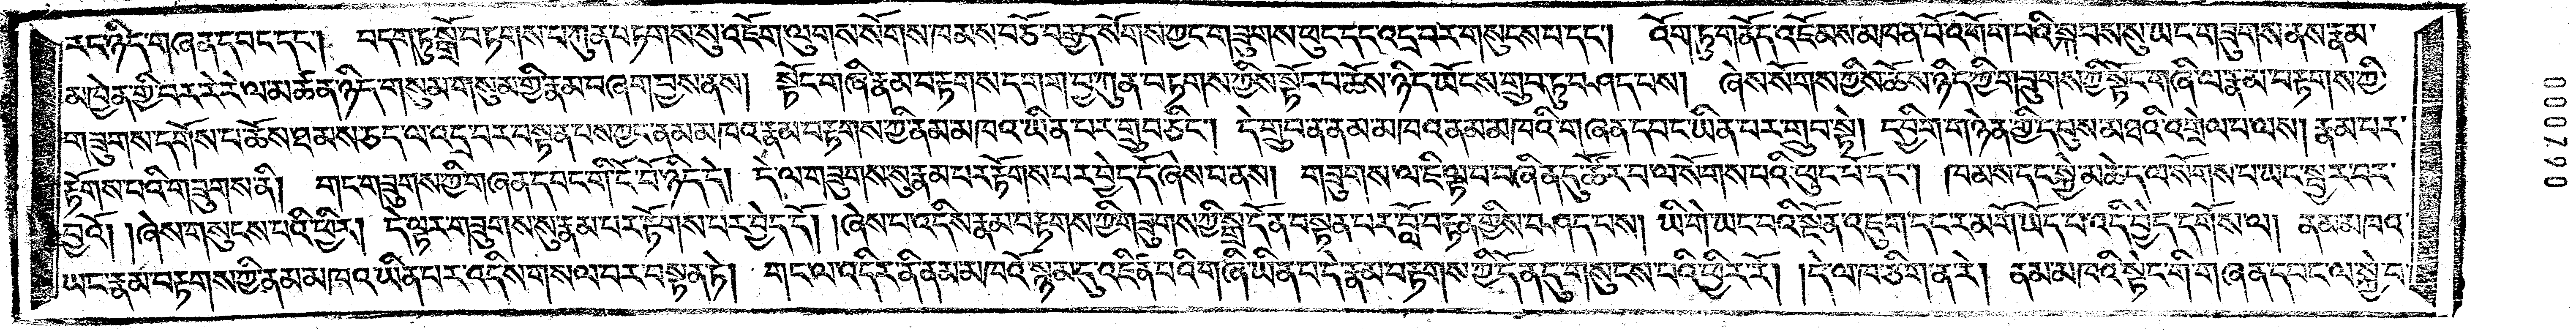རང་ཉིད་གཞན་དབང་དང་། བདག་ཏུ་སྒྲོ་བཏགས་པ་ཀུན་བཏགས་སུ་འཇོག་ལུགས་སོགས་ཁམས་བཅོ་བརྒྱད་སོགས་ཀྱང་གཟུགས་ཕུང་དང་འདྲ་བར་གསུངས་པ་དང་། འོག་ཏུ་གནོད་འཇོམས་མཁན་པོ་འགོག་པའི་སྐབས་སུ་ཡང་གཟུགས་ནས་རྣམ་
མཁྱེན་གྱི་བར་རེ་རེ་ལ་མཚན་ཉིད་གསུམ་གསུམ་གྱི་རྣམ་བཞག་བྱས་ནས། སྟོང་གཞི་རྣམ་བརྟགས་དགག་བྱ་ཀུན་བཏགས་ཀྱིས་སྟོང་པ་ཆོས་ཉིད་ཡོངས་གྲུབ་ཏུ་བཤད་པས། ཞེས་སོགས་ཀྱིས་ཆོས་ཉིད་ཀྱི་གཟུགས་ཀྱི་སྟོང་གཞི་ལ་རྣམ་བརྟགས་ཀྱི་
གཟུགས་དགོས་པ་ཆོས་ཐམས་ཅད་ལ་འདྲ་བར་བསྟན་པས་ཀྱང་ནམ་མཁའ་རྣམ་བརྟགས་ཀྱི་ནམ་མཁའ་ཡིན་པར་གྲུབ་ཅིང་། དེ་གྲུབ་ན་ནམ་མཁའ་ནམ་མཁའི་གཞན་དབང་ཡིན་པར་གྲུབ་སྟེ། དབྱིག་གཉེན་གྱི་དབུས་མཐའི་འགྲེལ་པ་ལས། རྣམ་པར་
རྟོགས་པའི་གཟུགས་ནི། གང་གཟུགས་ཀྱི་གཞན་དབང་གི་ངོ་བོ་ཉིད་དེ། དེ་ལ་གཟུགས་སུ་རྣམ་པར་རྟོགས་པར་བྱེད་དོ་ཞེས་པ་ནས། གཟུགས་ལ་ཇི་ལྟ་བ་བཞིན་དུ་ཚོར་བ་ལ་སོགས་པའི་ཕུང་པོ་དང་། ཁམས་དང་སྐྱེ་མཆེད་ལ་སོགས་པ་ཡང་སྦྱར་བར་
བྱའོ། །ཞེས་གསུངས་པའི་ཕྱིར། དེ་ལྟར་གཟུགས་སུ་རྣམ་པར་རྟོགས་པར་བྱེད་དོ། །ཞེས་པ་འདིས་རྣམ་བརྟགས་ཀྱི་གཟུགས་ཀྱི་སྒྲ་དོན་བསྟན་པར་བློ་བརྟན་གྱིས་བཤད་པས། ཡི་གེ་ཡང་བའི་སྔོན་འཇུག་དང་ར་མགོ་ཡོད་པ་འདི་བྱེད་དགོས་ལ། ནམ་མཁའ་
ཡང་རྣམ་བརྟགས་ཀྱི་ནམ་མཁའ་ཡིན་པར་འདིས་གསལ་བར་བསྟན་ཏེ། གང་ལ་འདིར་ནི་ནམ་མཁའོ་སྙམ་དུ་འཛིན་པའི་གཞི་ཡིན་པ་དེ་རྣམ་བརྟགས་ཀྱི་དོན་དུ་གསུངས་པའི་ཕྱིར་རོ། །དེ་ལ་ཁ་ཅིག་ན་རེ། ནམ་མཁའི་སྟེང་གི་གཞན་དབང་ལ་སྐྱེ་བ་